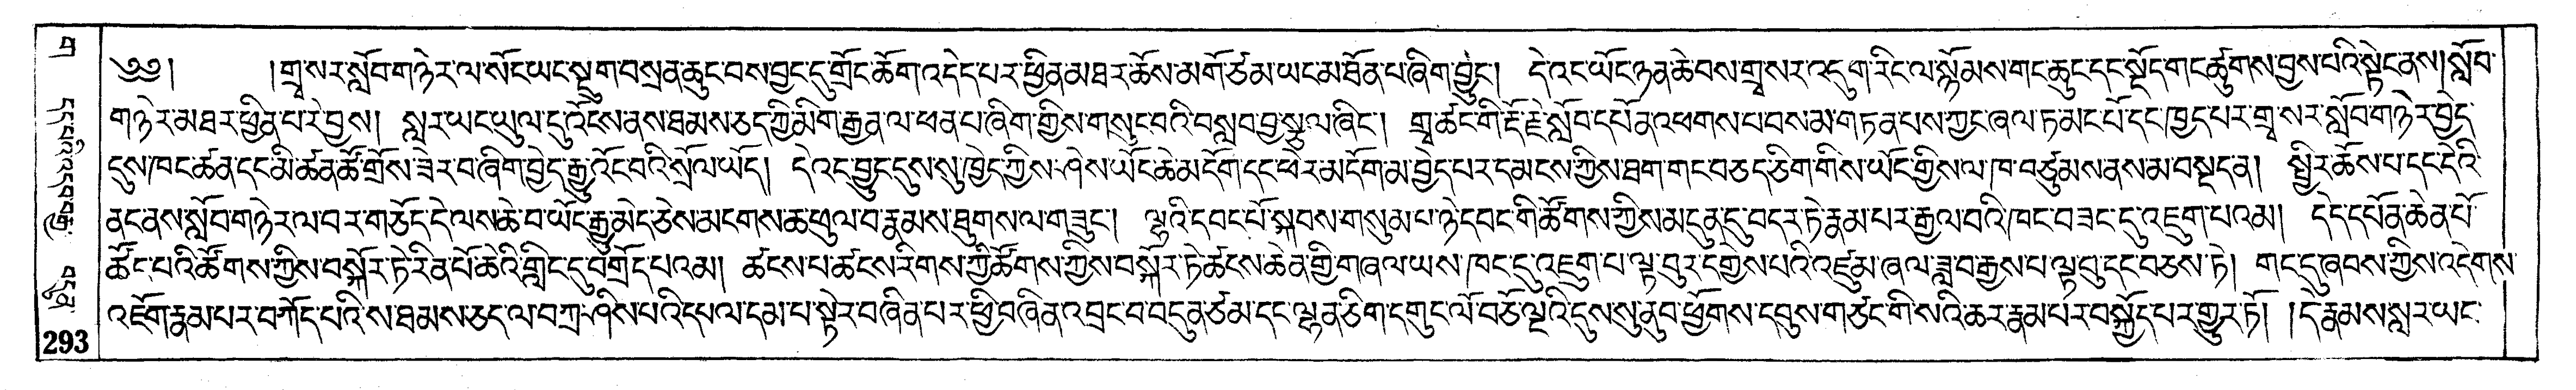༄༅། །གྲྭ་སར་སློབ་གཉེར་ལ་སོང་ཡང་སྡུག་བསྲན་ཆུང་བས་བྱང་དུ་གྲོང་ཆོག་འདེད་པར་ཕྱིན་མཐར་ཆོས་མགོ་ཙམ་ཡང་མ་ཐོན་པ་ཞིག་བྱུང་། དེ་འདྲ་ཡོང་ཉན་ཆེ་བས་གྲྭ་སར་འདུག་རིང་ལ་སྙོམས་གང་ཆུང་དང་སྔོད་གང་ཚུགས་བྱས་པའི་སྟེང་ནས། སློབ་
གཉེར་མཐར་ཕྱིན་པ་རེ་བྱས། སླར་ཡང་ཡུལ་དུ་འོངས་ནས་ཐམས་ཅད་ཀྱི་མིག་རྒྱན་ལ་ཕན་པ་ཞིག་གྱིས་གསུང་བའི་བསླབ་བྱ་སྩལ་ཞིང་། གྲྭ་ཚང་གི་རྡོ་རྗེ་སློབ་དཔོན་འཕགས་པ་བསམ་གཏན་པས་ཀྱང་ཞལ་ཏ་མང་པོ་དང་ཁྱད་བར་གྲྭ་སར་སློབ་གཉེར་བྱེད་
དུས་ཁང་ཚན་དང་མི་ཚན་ཚོ་གྲོས་ཟེར་བ་ཞིག་བྱེད་རྒྱུ་འོང་བའི་སྲོལ་ཡོད། དེ་འདྲ་བྱུང་དུས་སུ་ཁྱེད་ཀྱིས་ཤེས་ཡོང་ཆེ་མདོག་དང་ཕེར་མདོག་མ་བྱེད་པར་དམངས་ཀྱིས་ཐག་གང་བཅད་ཅིག་གིས་ཡོང་གྱིས་ལ་ཁ་བཙུམས་ནས་མ་བསྡད་ན། སྤྱིར་ཆོས་བ་དང་དེའི་
ནང་ནས་སློབ་གཉེར་ལ་བར་གཅོད་དེ་ལས་ཆེ་བ་ཡོང་རྒྱུ་མེད་ཅེས་མངགས་ཆ་ཕུལ་བ་རྣམས་ཐུགས་ལ་གཟུང་། ལྷའི་དབང་པོ་སྐབས་གསུམ་པ་ཉེ་དབང་གི་ཚོགས་ཀྱིས་མདུན་དུ་གདར་ཏེ་རྣམ་པར་རྒྱལ་བའི་ཁང་བཟང་དུ་འཇུག་པའམ། དེད་དཔོན་ཆེན་པོ་
ཚོང་པའི་ཚོགས་ཀྱིས་བསྐོར་ཏེ་རིན་པོ་ཆེའི་གླིང་དུ་བགྲོད་པའམ། ཚངས་པ་ཚངས་རིགས་ཀྱི་ཚོགས་ཀྱིས་བསྐོར་ཏེ་ཚངས་ཆེན་གྱི་གཞལ་ཡས་ཁང་དུ་འཇུག་པ་ལྟ་བུར་དགྱེས་པའི་འཛུམ་ཞལ་ཟླ་བ་རྒྱས་པ་ལྟ་བུ་དང་བཅས་ཏེ། གང་དུ་ཞབས་ཀྱིས་འདེགས་
འཇོག་རྣམ་པར་བཀོད་པའི་ས་ཐམས་ཅད་ལ་བཀྲ་ཤིས་པའི་དཔལ་དམ་བ་སྟེར་བཞིན་པར་གྱི་བཞིན་འབྲང་བ་བདུན་ཙམ་དང་ལྷན་ཅིག་དགུང་ལོ་བཅོ་ལྔའི་དུས་སུ་ནུབ་ཕྱོགས་དབུས་གཙང་གི་སའི་ཆར་རྣམ་པར་བསྐྱོད་པར་གྱུར་ཏོ། །དེ་རྣམས་སླར་ཡང་